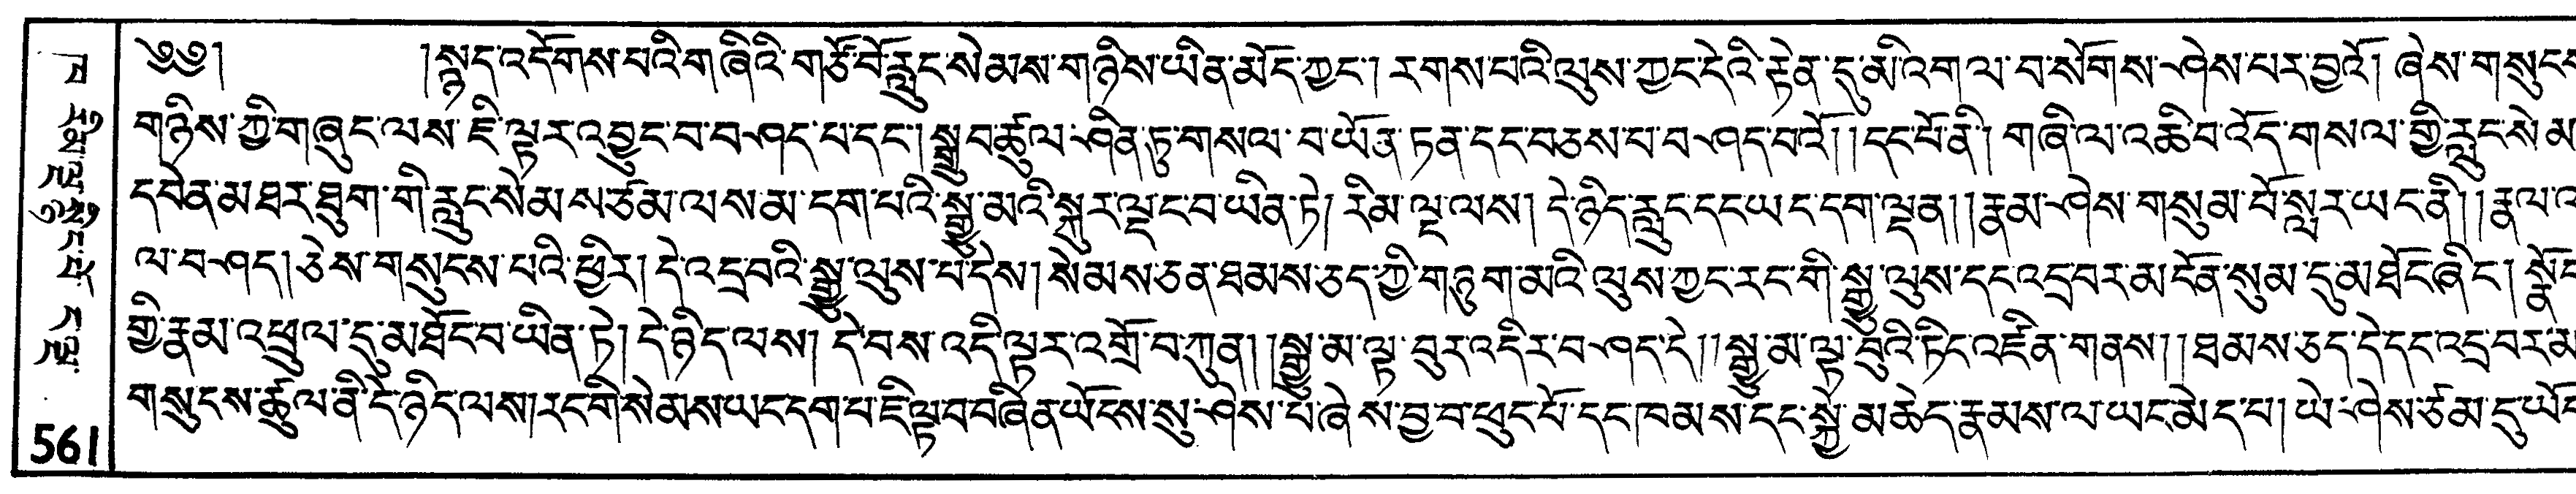༄༅། །སྙད་འདོགས་པའི་གཞིའི་གཙོ་བོ་རླུང་སེམས་གཉིས་ཡིན་མོད་ཀྱང་། རགས་པའི་ལུས་ཀྱང་དེའི་རྟེན་དུ་མི་འགལ་བ་སོགས་ཤེས་པར་བྱའོ། ཞེས་གསུངས་པའི་ཕྱིར། གཉིས་པ་ལ་གཉིས། ཡབ་སྲས་གཉིས་ཀྱི་གཞུང་ལས་ཇི་ལྟར་འབྱུང་བ་བཤད་པ་དང་། སྒྲུབ་ཚུལ་ཤིན་ཏུ་གསལ་བ་ཡོན་ཏན་དང་བཅས་པ་བཤད་པའོ། །དང་པོ་ནི། གཞི་ལ་འཆི་བ་འོད་གསལ་གྱི་རླུང་སེམས་ཙམ་ལས་བར་དོར་ལྡང་བར་མ་ཟད། སེམས་
དབེན་མཐར་ཐུག་གི་རླུང་སེམས་ཙམ་ལས་མ་དག་པའི་སྒྱུ་མའི་སྐུར་ལྡང་བ་ཡིན་ཏེ། རིམ་ལྔ་ལས། དེ་ཉིད་རླུང་དང་ཡང་དག་ལྡན། །རྣམ་ཤེས་གསུམ་པོ་སླར་ཡང་ནི། །རྣལ་འབྱོར་པ་ཡི་ལུས་སུ་བྱུང་། །སྒྱུ་མའི་ལུས་ཞེས་དེ་
ལ་བཤད། ཅེས་གསུངས་པའི་ཕྱིར། དེ་འདྲ་བའི་སྒྱུ་ལུས་པ་དེས། སེམས་ཅན་ཐམས་ཅད་ཀྱི་གཉུག་མའི་ལུས་ཀྱང་རང་གི་སྒྱུ་ལུས་དང་འདྲ་བར་མངོན་སུམ་དུ་མཐོང་ཞིང་། སྣོད་བཅུད་ཐམས་ཅད་ཀྱང་རང་རྒྱུ་རླུང་སེམས་ཙམ་
གྱི་རྣམ་འཕྲུལ་དུ་མཐོང་བ་ཡིན་ཏེ། དེ་ཉིད་ལས། དེ་བས་འདི་ལྟར་འགྲོ་བ་ཀུན། །སྒྱུ་མ་ལྟ་བུར་འདིར་བཤད་དེ། །སྒྱུ་མ་ལྟ་བུའི་ཏིང་འཛིན་གནས། །ཐམས་ཅད་དེ་དང་འདྲ་བར་མཐོང་། ཞེས་གསུངས་པའི་ཕྱིར། སྤྱོད་བསྡུས་ལས་
གསུངས་ཚུལ་ནི་དེ་ཉིད་ལས། རང་གི་སེམས་ཡང་དག་པ་ཇི་ལྟ་བ་བཞིན་ཡོངས་སུ་ཤེས་པ་ཞེས་བྱ་བ་ཕུང་པོ་དང་ཁམས་དང་སྐྱེ་མཆེད་རྣམས་ལ་ཡང་མེད་པ། ཡེ་ཤེས་ཙམ་དུ་ཡོངས་སུ་སྣང་བ་ཙམ་གྱིས་མཚན་ཐམས་ཅད་དང་